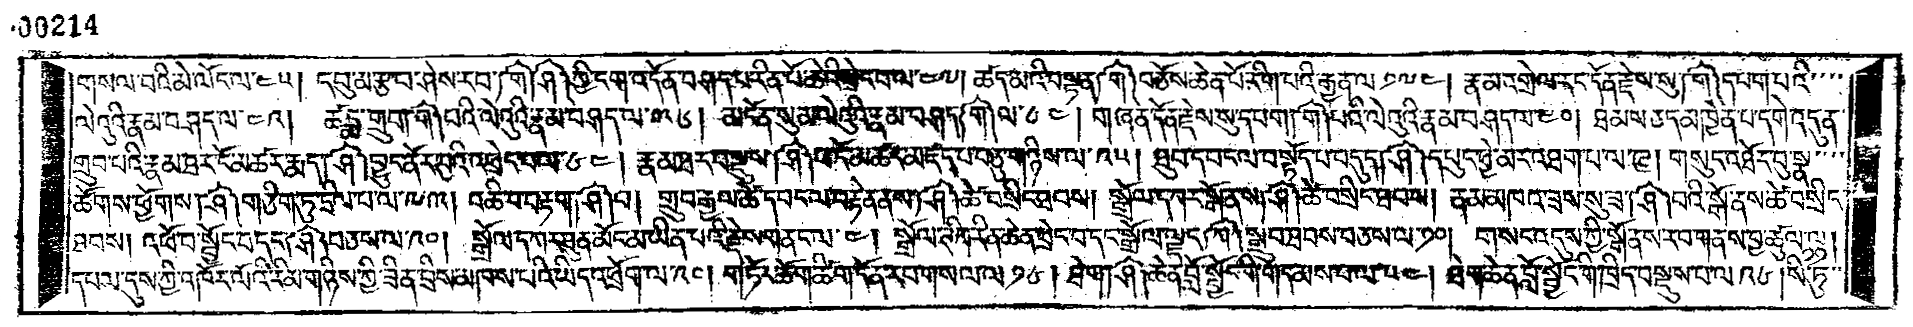གསལ་བའི་མེ་ལོང་ལ ༤༥། དབུ་མ་རྩ་བ་ཤེས་རབ ༼ག༽ ༼ཤ༽ ཀྱི་ངག་འདོན་བཤད་པ་རིན་པོ་ཆེའི་ཕྲེང་བ་ལ ༤༧། ཚད་མའི་བསྟན ༼ག༽ བཅོས་ཆེན་པོ་རིག་པའི་རྒྱན་ལ ༡༧༤། རྣམ་འགྲེལ་རང་དོན་རྗེས་སུ ༼ག༽ དཔག་པའི་
ལེའུའི་རྣམ་བཤད་ལ ༤༩། ཚད་མ་གྲུབ ༼ག༽ པའི་ལེའུའི་རྣམ་བཤད་ལ ༣༦། མངོན་སུམ་ལེའུ་རྣམ་བཤད ༼ག༽ ལ ༦༤།གཞན་དོན་རྗེས་སུ་དཔག ༼ག༽ པའི་ལེའུའི་རྣམ་བཤད་ལ ༤༠། ཐམས་ཅད་མཁྱེན་པ་དགེ་འདུན་
གྲུབ་པའི་རྣམ་ཐར་ངོ་མཚར་རྨད ༼ཤ༽ བྱུང་ནོར་བུའི་འཕྲེང་བ་ལ ༦༤། རྣམ་ཐར་བསྡུས ༼ཤ༽ པ་ངོ་མཚར་མཛད་པ་བཅུ་གཉིས་ལ ༩༥། ཐུབ་དབང་ལ་བསྟོད་པ་བདུད ༼ཤ༽ ཚེ་བསྲིང་ཐབས། ནམ་མཁའ་ཟས་སུ་ཟ ༼ཤ༽ བའི་སྒོ་ནས་ཚེ་བསྲིང་
ཚོགས་ཕྱོགས ༼ཤ༽ གཅིག་ཏུ་དྲིལ་པ་ལ ༧༣། འཆི་བ་བརྟག ༼ཤ༽ པ། གྲུབ་རྒྱལ་ཚེ་དབང་ལ་བརྟེན་ནས ༼ཤ༽ ཚེ་བསྲིང་ཐབས། སྒྲོལ་དཀར་སྒོ་ནས ༼ཤ༽ ཚེ་བསྲིང་ཐབས། ནམ་མཁའ་ཟས་སུ་ཟ ༼ཤ༽ བའི་སྒོ་ནས་ཚེ་བསྲིང་
ཐབས། འཕོ་བ་སྦྱོང་བདག ༼ཤ༽ བཅས་ལ ༩༠། སྒྲོལ་དཀར་ཐུན་མོང་མ་ཡིན་པའི་རྗེས་གནས་ལ ༤། སྒྲོལ་ཏིཀ་རིན་ཆེན་ཕྲེང་བ་དང་སྒྲོལ་ལྗང ༼ཀ༽ སྒྲུབ་ཐབས་བཅས་ལ ༡༠། གསང་འདུས་ཀྱི་སྒོ་ནས་རབ་གནས་བྱ་ཚུལ་ལ།
དཔལ་དུས་ཀྱི་འཁོར་ལོའི་རིམ་གཉིས་ཀྱི་ཟིན་བྲིས་མཁས་པའི་ཡིད་འཕྲོག་ལ ༩༠། གཏོར་ཆོག་ཚིག་དོན་རབ་གསལ་ལ ༡༦། ཐེག ༼ཤ༽ ཆེན་བློ་སྦྱོང་གི་གདམས་པ་ལ ༥༤། ཐེག་ཆེན་བློ་སྦྱོང་གི་ཁྲིད་བསྡུས་པ་ལ ༩༦་།སི་ཏུ་